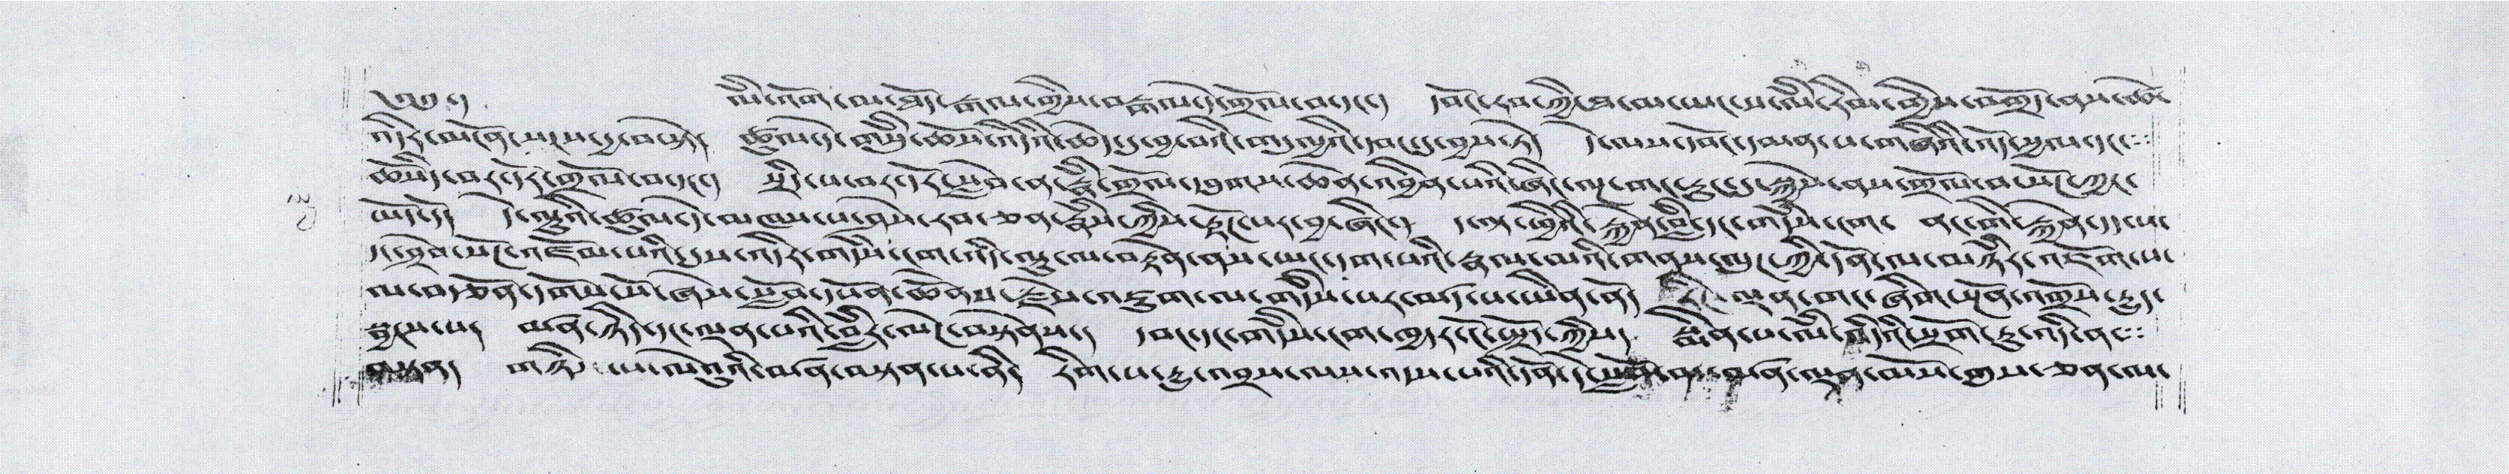ལམ་འོག་མ་ཐོད་རྒལ་གྱིས་བརྒལ་ནས་གྲོལ་བ་དང་། དབང་པོ་རབ་ཀྱི་ཐ་མ་ཡང་ས་ལམ་རིམ་གྱིས་བགྲོད་ནས་ཚེ་
འདིར་མངོན་སངས་རྒྱ་བ་སྟེ། ཚུལ་དེ་གསུམ་ཆོས་འདིའི་ཆེད་དུ་བྱ་བའི་གདུལ་བྱའི་དབང་དུ་བྱས་ཏེ། དེ་ལས་དབང་པོ་དམན་པ་གཞིའི་འོད་གསལ་དང་
ཆོས་ཉིད་བར་དོར་གྲོལ་བ་དང་། སྲིད་པ་བར་དོར་སླེབས་ན་རྣམ་གྲོལ་དབུགས་ཆེན་པའི་ཞིང་ལྔ་གང་རུང་དུ་སྐྱེས་ནས་གྲོལ་བ་སོགས་ཀྱང་
ཡོད་དོ། དེ་ལྟ་བུའི་ཚུལ་དེ་མཁས་པ་ཤེས་རབ་ཅན་རྣམས་ཀྱིས་རྟོགས་པར་བྱ་ཞིང་། ད་ལྟ་ཕྱིའི་རྐྱེན་བླ་མ་དང་གདམས་ངག ནང་གི་རྐྱེན་དད་པ་
དང་ཤེས་རབ་སོགས་འཛོམས་པའི་དུས་འདིར་གདམས་ངག་འདི་ལྟ་བུ་ལ་བརྟེན་ནས་ཡང་དག་པའི་རྣལ་མའི་གནས་ལུགས་ཀྱི་དོན་ལ་མཉམ་པར་འཇོག་པ་
ལ་བརྩོན་དགོས་སོ་ཞེས་སློབ་དཔོན་ཆེན་པོས་རྗེས་འཇུག་ལ་གདམས་པར་མཛད་པ་ཡིན་ནོ། རིགས་ལྡན་གང་ཞིག་སྔོན་འགྲོས་རྒྱུད་
སྦྱངས་པ། མཚན་ཉིད་དང་ལྡན་པའི་བླ་མ་ལེགས་བསྟེན་ནས། དབང་དང་གདམས་ངག་ཁྱད་པར་ངོ་སྤྲོད་ཀྱིས། སྨིན་པ་ལམ་འདིའི་སྲོག་ཏུ་འདི་ན་
བསྟན། གཉིས་པ་ལེའུའི་མཚན་བསྟན་པ་ནི། རིག་པ་རྒྱུ་འབྲས་ལས་འདས་པའི་དོན་དེ་སློབ་མ་མཚན་ལྡན་མོས་གུས་ཅན་ལ་